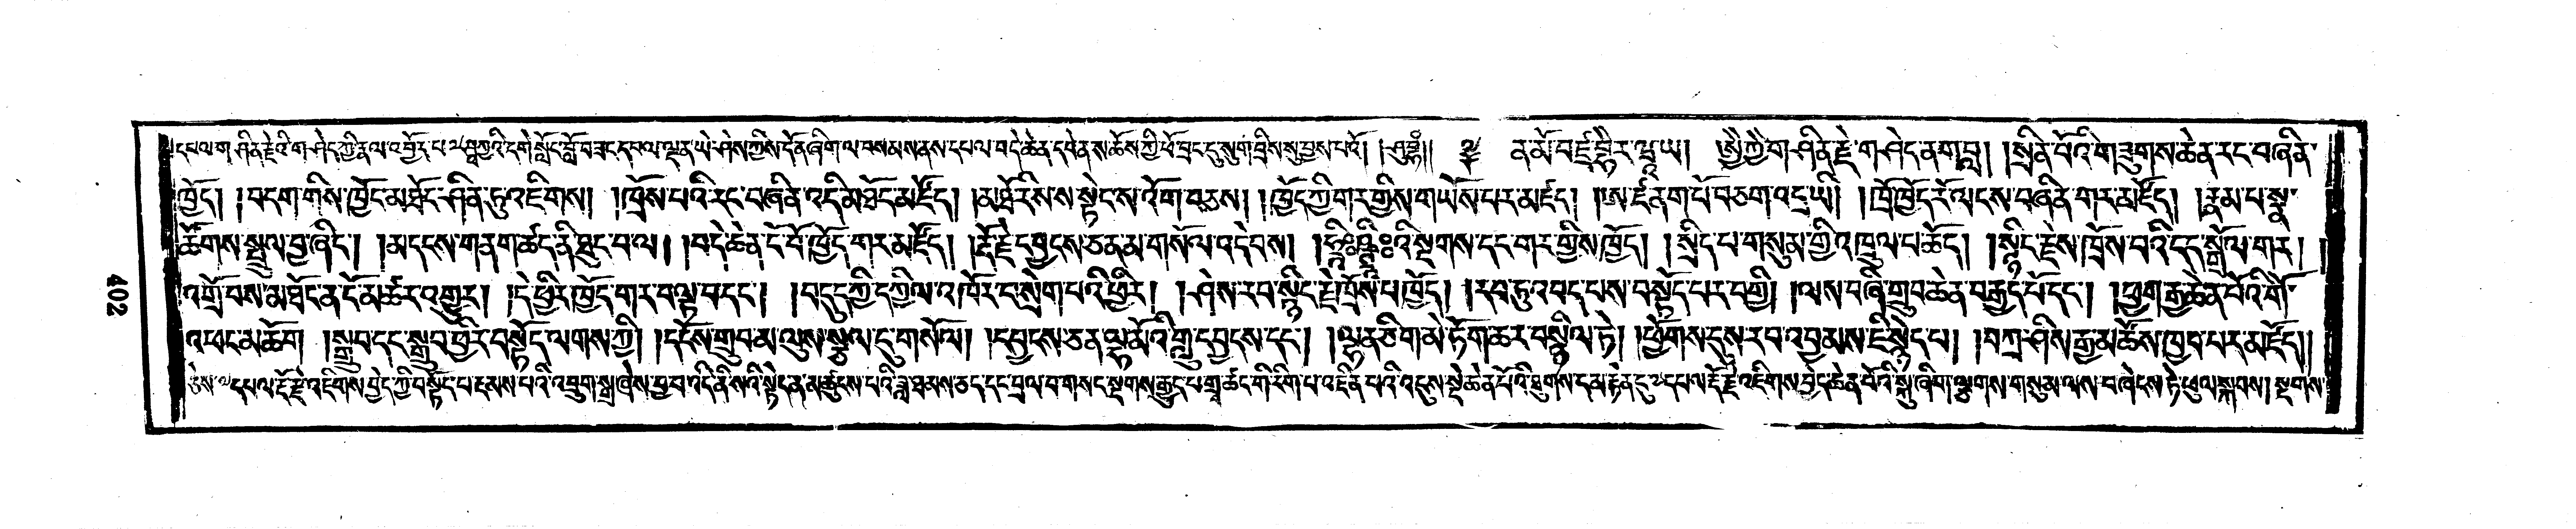དཔལ་གཤིན་རྗེའི་གཤེད་ཀྱི་རྣལ་འབྱོར་པ་༧་ཤཱཀྱའི་དགེ་སློང་བློ་བཟང་དཔལ་ལྡན་ཡེ་ཤེས་ཀྱིས་དོན་ཞིག་ལ་བསམས་ནས་དཔལ་བདེ་ཆེན་དབེན་ས་ཆོས་ཀྱི་ཕོ་བྲང་དུ་སུག་བྲིས་སུ་བྱས་པའོ། །ཤུབྷཾ།། ༈ ན་མོ་བཛྲ་བྷཻ་ར་ཝཱ་ཡ། ཨཡཻ་ཀྱཻ་གཤིན་རྗེ་གཤེད་ནག་བླ། །སྲིན་པོའི་གཟུགས་ཆེན་རང་བཞིན་
ཁྱོད། །བདག་གིས་ཁྱོད་མཐོང་ཤིན་ཏུ་འཇིགས། །ཁྲོས་པའི་རང་བཞིན་འདི་མཐོང་མཛོད། །མཐོ་རིས་ས་སྟེང་ས་འོག་བཅས། །ཁྱོད་ཀྱི་གར་གྱིས་གཡོས་པར་མཛད། །ཨ་ཛ་ནག་པོ་བཅག་འདྲ་ཡི། །ཁྲོ་ཁྱོད་རོ་ལངས་བཞིན་གར་མཛོད། །རྣམ་པ་སྣ་
ཚོགས་སྤྲུལ་བྱ་ཞིང་། །མདངས་གནག་ཚད་ནི་ཐུང་བ་ལ། །བདེ་ཆེན་ངོ་བོ་ཁྱོད་གར་མཛོད། །རྡོ་རྗེ་དབྱངས་ཅན་མ་གསོལ་འདེབས། །ཧྲཱིཿ ཥྚྲཱིཿ འི་སྔགས་དང་གར་གྱིས་ཁྱོད། །སྲིད་པ་གསུམ་གྱི་འཁྲུལ་པ་ཆོད། །སྙིང་རྗེས་ཁྲོས་པའི་དད་སྒྲོལ་གར། །
འགྲོ་བས་མཐོང་ན་ངོ་མཚར་འགྱུར། །དེ་ཕྱིར་ཁྱོད་གར་བལྟ་བ་དང་། །བདུད་ཀྱི་དཀྱིལ་འཁོར་བསྲེག་པའི་ཕྱིར། །ཤེས་རབ་སྙིང་རྗེ་ཁྲོས་པ་ཁྱོད། །རབ་ཏུ་འབད་པས་བསྟོད་པར་བགྱི། །ལས་བཞི་གྲུབ་ཆེན་བརྒྱད་པོ་དང་། །ཕྱག་རྒྱ་ཆེན་པོའི་གོ་
འཕང་མཆོག །སྒྲུབ་དང་སྒྲུབ་ཕྱིར་བསྟོད་ལགས་ཀྱི། །དངོས་གྲུབ་མ་ལུས་སྩལ་དུ་གསོལ། །དབྱངས་ཅན་ལྷ་མོའི་གླུ་དབྱངས་དང་། །ལྷན་ཅིག་མེ་ཏོག་ཆར་བསྙིལ་ཏེ། །ཕྱོགས་དུས་རབ་འབྱམས་ཇི་སྙེད་པ། །བཀྲ་ཤིས་རྒྱ་མཚོས་ཁྱབ་པར་མཛོད།།
ཅེས་༧་དཔལ་རྡོ་རྗེ་འཇིགས་བྱེད་ཀྱི་བསྟོད་པ་རྔམས་པའི་འབྲུག་སྒྲ་ཞེས་བྱ་བ་འདི་ནི་སའི་སྟེད་ན་མཚུངས་པའི་ཟླ་ཐམས་ཅད་དང་བྲལ་བ་གསང་སྔགས་རྒྱུད་པ་གྲྭ་ཚང་གི་རིག་པ་འཛིན་པའི་འདུས་སྡེ་ཆེན་པོའི་ཐུགས་དམ་རྟེན་དུ་༧་དཔལ་རྡོ་རྗེ་འཇིགས་བྱེད་ཆེན་པོའི་སྐུ་ཞིག་ལྕགས་གསུམ་ལས་བཞེངས་ཏེ་ཕུལ་སྐབས། སྔགས་